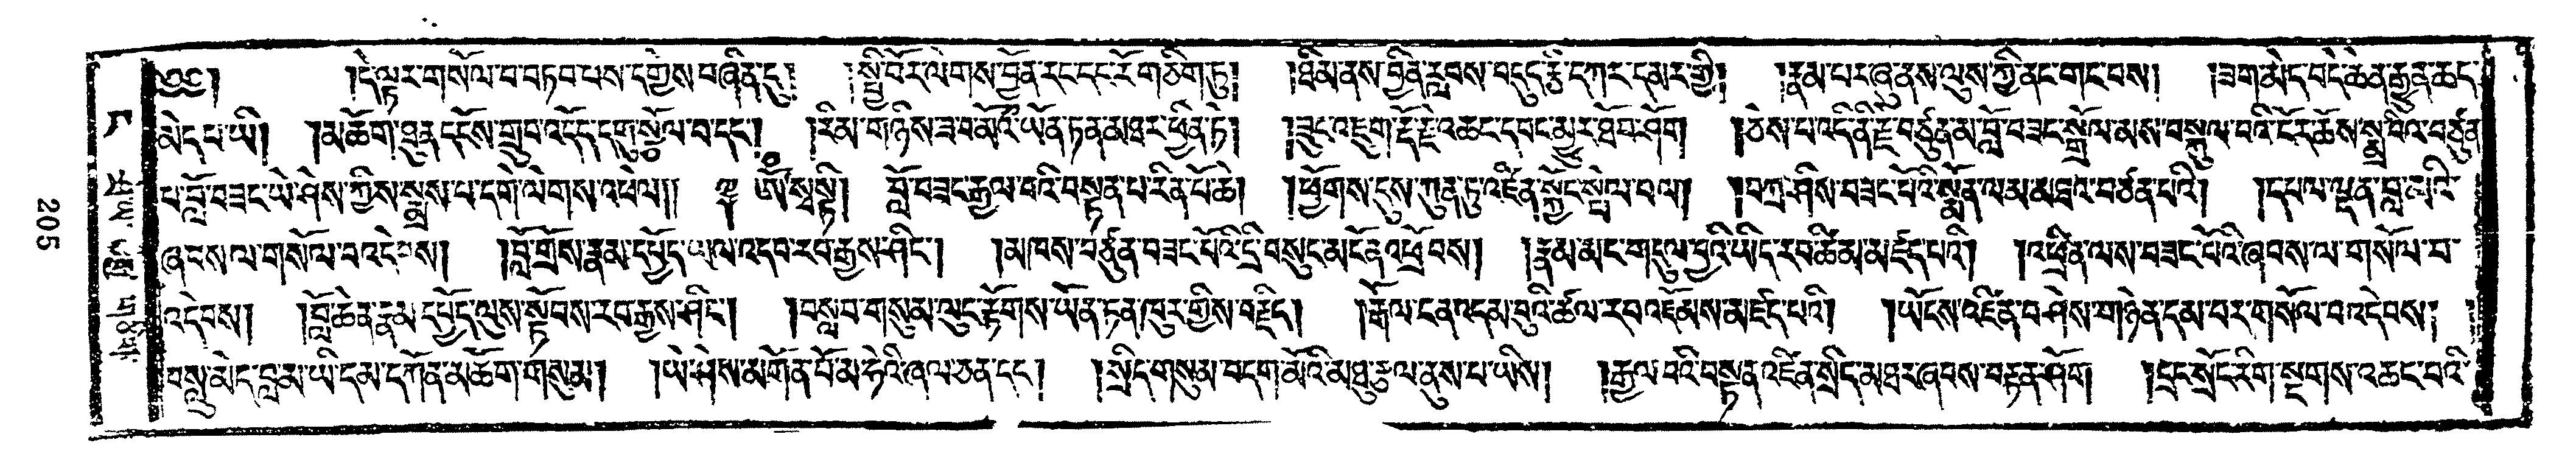༄༅། །དེ་ལྟར་གསོལ་བ་བཏབ་པས་དགྱེས་བཞིན་དུ། །སྤྱི་བོར་ལེགས་བྱོན་རང་དང་རོ་གཅིག་ཏུ། །ཐིམ་ནས་བྱིན་རླབས་བདུད་རྩི་དཀར་དམར་གྱི། །རྣམ་པར་ཞུ་ནས་ལུས་ཀྱི་ནང་གང་བས། །ཟག་མེད་བདེ་ཆེན་རྒྱུན་ཆད་
མེད་པ་ཡི། །མཆོག་ཐུན་དངོས་གྲུབ་འདོད་དགུ་སྩོལ་བ་དང་། །རིམ་གཉིས་ཟ་བ་མོཨཱྀ་ཡོན་ཏན་མཐར་ཕྱིན་ཏེ། །ཟུང་འཇུག་རྡོ་རྗེ་འཆང་དབང་མྱུར་ཐོབ་ཤོག །ཅེས་པ་འདི་ནི་རྗེ་བཙུན་མ་བློ་བཟང་སྒྲོལ་མས་བསྐུལ་བའི་ངོར་ཆོས་སྨྲ་བའི་བཙུན་
པ་བློ་བཟང་ཡེ་ཤེས་ཀྱིས་སྨྲས་པ་དགེ་ལེགས་འཕེལ།། ༈ ཨོཾ་སྭ་སྟི། བློ་བཟང་རྒྱལ་བའི་བསྟན་པ་རིན་པོ་ཆེ། །ཕྱོགས་དུས་ཀུན་ཏུ་འཛིན་སྐྱོང་སྤེལ་བ་ལ། །བཀྲ་ཤིས་བཟང་པོའི་སྨོན་ལམ་མཐའ་བཙན་པའི། །དཔལ་ལྡན་བླ་མའི་
ཞབས་ལ་གསོལ་བ་འདེབས། །བློ་གྲོས་རྣམ་དཔྱོད་ཡལ་འདབ་རབ་རྒྱས་ཤིང་། །མཁས་བཙུན་བཟང་པོའི་དྲི་བསུང་མངོན་འཕྲོ་བས། །རྣམ་མང་གདུལ་བྱའི་ཡིད་རབ་ཚིམ་མཛད་པའི། །འཕྲིན་ལས་བཟང་པོའི་ཞབས་ལ་གསོལ་བ་
འདེབས། །བློ་ཆེན་རྣམ་དཔྱོད་ལུས་སྟོབས་རབ་རྒྱས་ཤིང་། །བསླབ་གསུམ་ལུང་རྟོགས་ཡོན་ཏན་ཁུར་གྱིས་བརྗིད། །རྒོལ་ངན་འདམ་བུའི་ཚལ་རབ་འཇོམས་མཛད་པའི། །ཡོངས་འཛིན་བཤེས་གཉེན་དམ་པར་གསོལ་བ་འདེབས། །
བསླུ་མེད་བླ་མ་ཡི་དམ་དཀོན་མཆོག་གསུམ། །ཡེ་ཤེས་མགོན་པོ་མ་ཧེའི་ཞལ་ཅན་དང་། །སྲིད་གསུམ་བདག་མོའི་མཐུ་རྩལ་ནུས་པ་ཡིས། །རྒྱལ་བའི་བསྟན་འཛིན་སྲིད་མཐར་ཞབས་བརྟན་ཤོག །དྲང་སྲོང་རིག་སྔགས་འཆང་བའི་